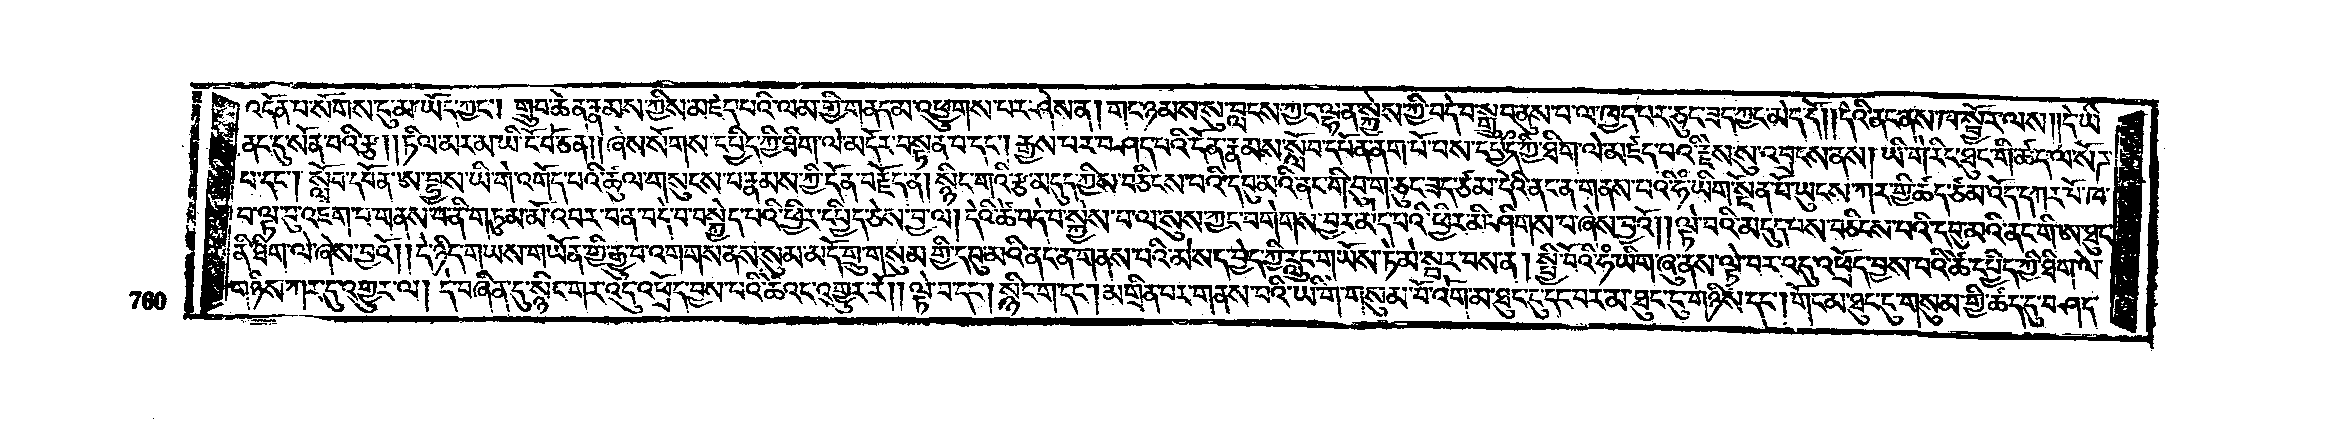འདོན་པ་སོགས་དུ་མ་ཡོད་ཀྱང་། གྲུབ་ཆེན་རྣམས་ཀྱིས་མཛད་པའི་ལམ་གྱི་གནད་མ་འཕྱུགས་པར་ཤེས་ན། གང་ཉམས་སུ་བླངས་ཀྱང་ལྷན་སྐྱེས་ཀྱི་བདེ་བ་སྒྲུབ་ནུས་པ་ལ་ཁྱད་པར་ཅུང་ཟད་ཀྱང་མེད་དོ། །དེའི་ནང་ནས་ཁ་སྦྱོར་ལས། །དེ་ཡི་
ནང་དུ་སོན་པའི་རྩ། །ཏིལ་མར་མ་ཡི་ངོ་བོ་ཅན། །ཞེས་སོགས་དཔྱིད་ཀྱི་ཐིག་ལེ་མདོར་བསྟན་པ་དང་། རྒྱས་པར་བཤད་པའི་དོན་རྣམས་སློབ་དཔོན་ནག་པོ་པས་དཔྱིད་ཀྱི་ཐིག་ལེ་མཛད་པའི་རྗེས་སུ་འབྲངས་ནས། ཡི་གེ་རིང་ཐུང་གི་ཚད་ལ་སོགས་
པ་དང་། སློབ་དཔོན་ཨ་བྷྱས་ཡི་གེ་འགོད་པའི་ཚུལ་གསུངས་པ་རྣམས་ཀྱི་དོན་བརྗོད་ན། སྙིང་གའི་རྩ་མདུད་ཀྱིས་བཅིངས་པའི་དབུ་མའི་ནང་གི་བུ་ག་ཅུང་ཟད་ཙམ་དེའི་ནང་ན་གནས་པའི་ཧཾ་ཡིག་སྔོན་པོ་ཡུངས་ཀར་གྱི་ཚད་ཙམ་འོད་དཀར་པོ་ཁ་
བ་ལྟ་བུ་འཇིག་པ་གནས་པ་ནི་གཏུམ་མོ་འབར་བ་ན་བདེ་བ་བསྐྱེད་པའི་ཕྱིར་དཔྱིད་ཅེས་བྱ་ལ། དེའི་ཚེ་བདེ་བ་སྐྱེས་པ་ལ་སུས་ཀྱང་བགེགས་བྱར་མེད་པའི་ཕྱིར་མི་ཤིགས་པ་ཞེས་བྱའོ། །ལྟེ་བའི་མདུད་པས་བཅིངས་པའི་དབུ་མའི་ནང་གི་ཨ་ཐུང་
ནི་ཐིག་ལེ་ཞེས་བྱའོ། །དེ་ཉིད་གཡས་གཡོན་གྱི་རྒྱུ་བ་འགགས་ནས་སུམ་མདོ་གྲུ་གསུམ་གྱི་དབུ་མའི་ནང་ན་གནས་པའི་མེ་སད་བྱེད་ཀྱི་རླུང་གཡོས་ཏེ་མེ་སྦར་བས་ན། སྤྱི་བོའི་ཧཾ་ཡིག་ཞུ་ནས་ལྟ་བར་འདུ་འཕྲོད་བྱས་པའི་ཚེ་དཔྱིད་ཀྱི་ཐིག་ལེ་
གཉིས་ཀར་དུ་འགྱུར་ལ། དེ་བཞིན་དུ་སྙིང་གར་འདུ་འཕྲོད་བྱས་པའི་ཚེའང་འགྱུར་རོ། །ལྟེ་བ་དང་། སྙིང་ག་དང་། མགྲིན་པར་གནས་པའི་ཡི་གེ་གསུམ་པོ་འོག་མ་ཐུང་དུ་དང་བར་མ་ཐུང་དུ་གཉིས་དང་། གོང་མ་ཐུང་དུ་གསུམ་གྱི་ཚད་དུ་བཤད་